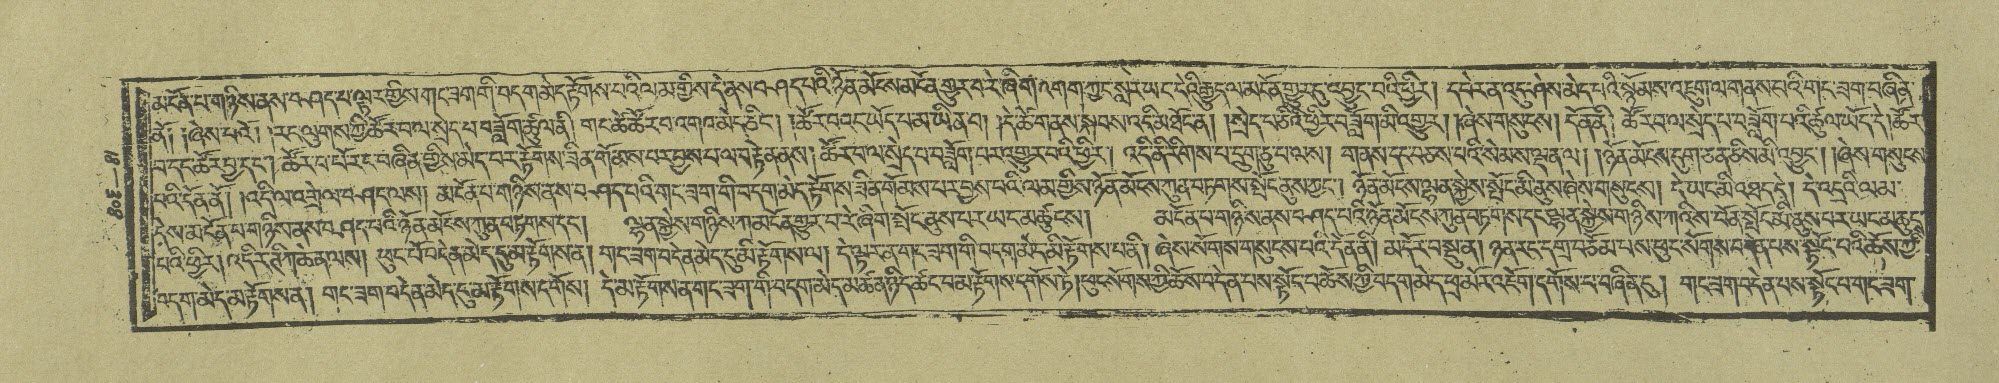མངོན་པ་གཉིས་ནས་བཤད་པ་ལྟར་གྱིས་གང་ཟག་གི་བདག་མེད་རྟོགས་པའི་ལམ་གྱིས་དེ་ནས་བཤད་པའི་ཉོན་མོངས་མངོན་གྱུར་བ་རེ་ཞིག་འགག་ཀྱང་སླར་ཡང་དེའི་རྒྱུད་ལ་མངོན་གྱུར་དུ་འབྱུང་བའི་ཕྱིར། དཔེར་ན་འདུ་ཤེས་མེད་པའི་སྙོམས་འཇུག་ལ་གནས་པའི་གང་ཟག་བཞིན་
ནོ། །ཞེས་པའོ། །རང་ལུགས་ཀྱི་ཚོར་བ་ལ་སྲེད་པ་བཟློག་ཚུལ་ནི། གང་ཚེ་ཚོར་བ་འགའ་མེད་ཅིང་། །ཚོར་བའང་ཡོད་པ་མ་ཡིན་པ། །དེ་ཚེ་གནས་སྐབས་འདི་མཐོང་ན། །སྲེད་པ་ཅིའི་ཕྱིར་བཟློག་མི་འགྱུར། །ཞེས་གསུངས། དོན་ནི། ཚོར་བ་ལ་སྲེད་པ་བཟློག་པའི་ཚུལ་ཡོད་དེ། ཚོར་
བ་དང་ཚོར་བྱ་དང་། ཚོར་བ་པོ་རང་བཞིན་གྱིས་མེད་པར་རྟོགས་ཟིན་གོམས་པར་བྱས་པ་ལ་བརྟེན་ནས། ཚོར་བ་ལ་སྲེད་པ་བཟློག་པར་འགྱུར་བའི་ཕྱིར། འདི་ནི་རིགས་པ་དྲུག་ཅུ་པ་ལས། གནས་དང་བཅས་པའི་སེམས་ལྡན་ལ། །ཉོན་མོངས་དུག་ཅན་ཅིས་མི་འབྱུང་། །ཞེས་གསུངས་
བའི་དོན་ནོ། །འདི་ལ་འགྲེལ་བཤད་ལས། མངོན་པ་གཉིས་ནས་བཤད་པའི་གང་ཟག་གི་བདག་མེད་རྟོགས་ཟིན་གོམས་པར་བྱས་པའི་ལམ་གྱིས་ཉོན་མོངས་ཀུན་བཏགས་སྤོང་ནུས་ཀྱང་། ཉོན་མོངས་ལྷན་སྐྱེས་སྤོང་མི་ནུས་ཞེས་གསུངས། དེ་ཡང་མི་འཐད་དེ། དེ་འདྲའི་ལམ་
དེས་མངོན་པ་གཉིས་ནས་བཤད་པའི་ཉོན་མོངས་ཀུན་བཏགས་དང་། ལྷན་སྐྱེས་གཉིས་ཀ་མངོན་གྱུར་བ་རེ་ཞིག་སྤོང་ནུས་པར་ཡང་མཚུངས། མངོན་པ་གཉིས་ནས་བཤད་པའི་ཉོན་མོངས་ཀུན་བཏགས་དང་ལྷན་སྐྱེས་གཉིས་ཀའི་ས་བོན་སྤོང་མི་ནུས་པར་ཡང་མཚུངས་
པའི་ཕྱིར། འདིར་ཊིཀ་ཆེན་ལས། ཕུང་པོ་བདེན་མེད་དུ་མ་རྟོགས་ན། གང་ཟག་བདེན་མེད་དུ་མི་རྟོགས་ལ། དེ་ལྟར་ན་གང་ཟག་གི་བདག་མེད་མི་རྟོགས་པ་ནི། ཞེས་སོགས་གསུངས་པའི་དོན་ནི། མདོར་བསྡུ་ན། ཉན་རང་དགྲ་བཅོམ་པས་ཕུང་སོགས་བདེན་པས་སྟོང་བའི་ཆོས་ཀྱི་
བདག་མེད་མ་རྟོགས་ན། གང་ཟག་བདེན་མེད་དུ་མ་རྟོགས་དགོས། དེ་མ་རྟོགས་ན་གང་ཟག་གི་བདག་མེད་མཚན་ཉིད་ཚང་བ་མ་རྟོགས་དགོས་ཏེ། ཕུང་སོགས་ཀྱི་ཆོས་བདེན་པས་སྟོང་པ་ཆོས་ཀྱི་བདག་མེད་ཕྲ་མོར་འཇོག་དགོས་པ་བཞིན་དུ། གང་ཟག་བདེན་པས་སྟོང་པ་གང་ཟག་